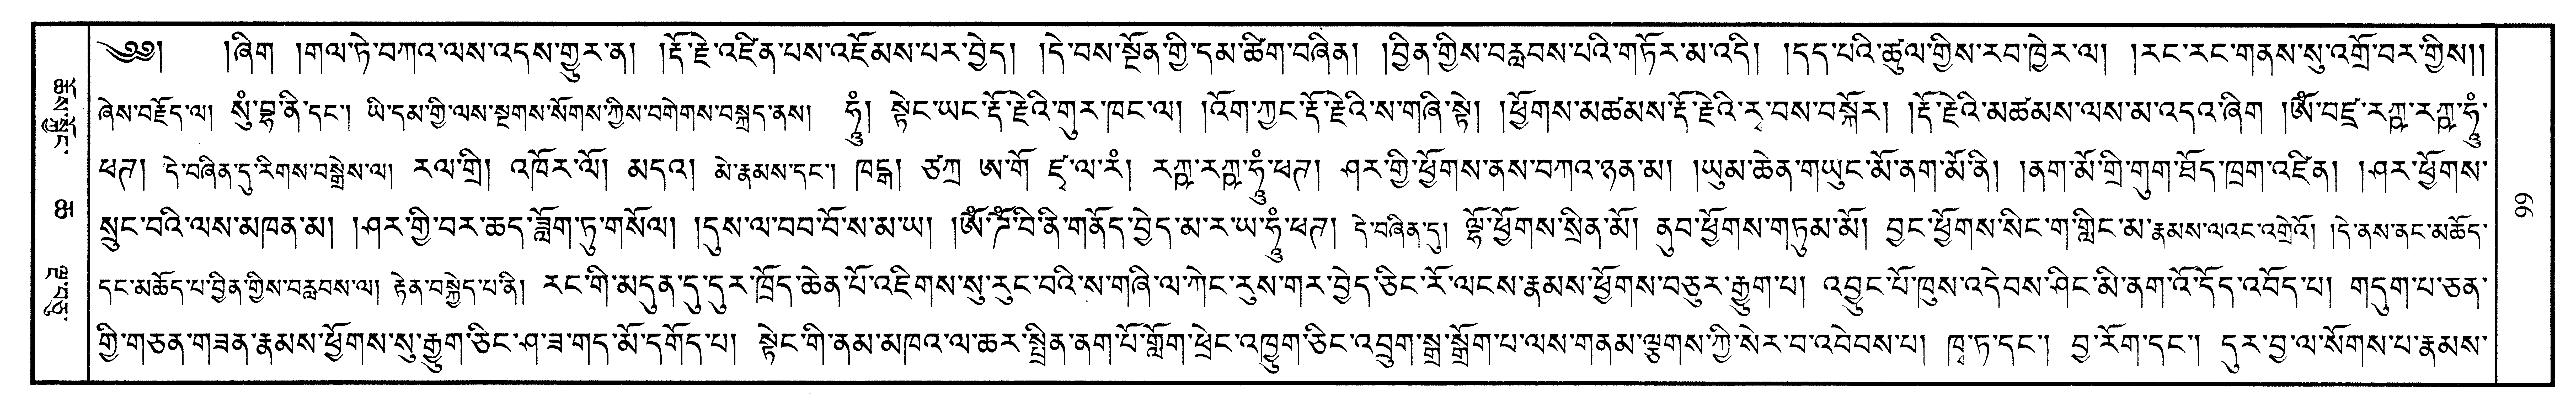༄༅། །ཞིག །གལ་ཏེ་བཀའ་ལས་འདས་གྱུར་ན། །རྡོ་རྗེ་འཛིན་པས་འཇོམས་པར་བྱེད། །དེ་བས་སྔོན་གྱི་དམ་ཚིག་བཞིན། །བྱིན་གྱིས་བརླབས་པའི་གཏོར་མ་ནི། །དད་པའི་ཚུལ་གྱིས་རབ་ཁྱེར་ལ། །རང་རང་གནས་སུ་འགྲོ་བར་གྱིས།།
ཞེས་བརྗོད་ལ། སུཾ་བྷ་ནི་དང་། ཡི་དམ་གྱི་ལས་སྔགས་སོགས་ཀྱིས་བགེགས་བསྐྲད་ནས། ཧཱུཾ། སྟེང་ཡང་རྡོ་རྗེའི་གུར་ཁང་ལ། །འོག་ཀྱང་རྡོ་རྗེའི་ས་གཞི་སྟེ། །ཕྱོགས་མཚམས་རྡོ་རྗེའི་རྭ་བས་བསྐོར། །རྡོ་རྗེའི་མཚམས་ལས་མ་འདའ་ཞིག །ཨོཾ་བཛྲ་རཀྵ་རཀྵ་ཧཱུཾ་
ཕཊ། དེ་བཞིན་དུ་རིགས་བསྒྲེས་ལ། རལ་གྲི། འཁོར་ལོ། མདའ། མེ་རྣམས་དང་། ཁངྒ། ཙཀྲ་ཨ་གོ་ཛྭ་ལ་རཾ། རཀྵ་རཀྵ་ཧཱུཾ་ཕཊ། ཤར་གྱི་ཕྱོགས་ནས་བཀའ་ཉན་མ། །ཡུམ་ཆེན་གཡུང་མོ་ནག་མོ་ནི། །ནག་མོ་གྲི་གུག་ཐོད་ཁྲག་འཛིན། །ཤར་ཕྱོགས་
སྲུང་བའི་ལས་མཁན་མ། །ཤར་གྱི་བར་ཆད་ཟློག་ཏུ་གསོལ། །དུས་ལ་བབ་བོ་ས་མ་ཡ། །ཨོཾ་ཌོཾ་བི་ནི་གནོད་བྱེད་མ་ར་ཡ་ཧཱུཾ་ཕཊ། དེ་བཞིན་དུ། ལྷོ་ཕྱོགས་སྲིན་མོ། ནུབ་ཕྱོགས་གཏུམ་མོ། བྱང་ཕྱོགས་སིང་ག་གླིང་མ་རྣམས་ལའང་འགྲེའོ། །དེ་ནས་ནང་མཆོད་
དང་མཆོད་པ་བྱིན་གྱིས་བརླབས་ལ། རྟེན་བསྐྱེད་པ་ནི། རང་གི་མདུན་དུ་དུར་ཁྲོད་ཆེན་པོ་འཇིགས་སུ་རུང་བའི་ས་གཞི་ལ་ཀེང་རུས་གར་བྱེད་ཅིང་རོ་ལངས་རྣམས་ཕྱོགས་བཅུར་རྒྱུག་པ། འབྱུང་པོ་ཁུས་འདེབས་ཤིང་མི་ནག་འོ་དོད་འབོད་པ། གདུག་པ་ཅན་
གྱི་གཅན་གཞན་རྣམས་ཕྱོགས་སུ་རྒྱུག་ཅིང་ཤ་ཟ་གད་མོ་དགོད་པ། སྟེང་གི་ནམ་མཁའ་ལ་ཆར་སྤྲིན་ནག་པོ་གློག་ཕྲེང་འཁྱུག་ཅིང་འབྲུག་སྒྲ་སྒྲོག་པ་ལས་གནམ་ལྕགས་ཀྱི་སེར་བ་འབེབས་པ། ཁྭ་ཏ་དང་། བྱ་རོག་དང་། དུར་བྱ་ལ་སོགས་པ་རྣམས་